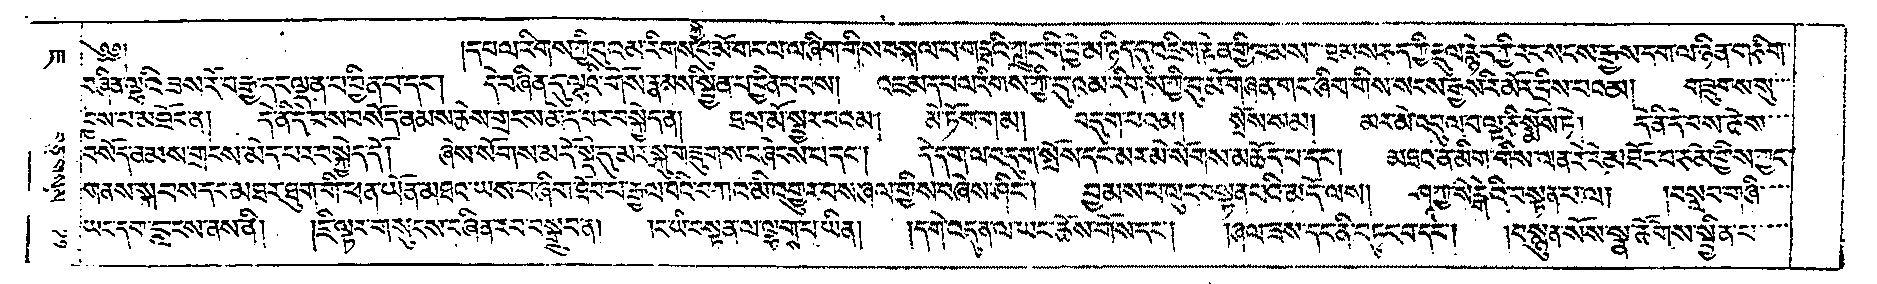༄༅། །དཔལ་རིགས་ཀྱི་བུའམ་རིགས་ཀྱི་བུ་མོ་གང་ལ་ལ་ཞིག་གིས་བསྐལ་པ་གངྒའི་ཀླུང་གི་བྱེ་མ་ཉིད་དུ་འཇིག་རྟེན་གྱི་ཁམས་ཐམས་ཅད་ཀྱི་རྡུལ་རྙེད་ཀྱི་རང་སངས་རྒྱས་དག་ལ་ཉིན་གཅིག་
བཞིན་ལྷའི་ཟས་རོ་བརྒྱ་དང་ལྡན་པ་བྱིན་པ་དང་། དེ་བཞིན་དུ་ལྷའི་གོས་རྣམས་སྦྱིན་པ་བྱིན་པ་བས། འཇམ་དཔལ་རིགས་ཀྱི་བུའམ་རིགས་ཀྱི་བུ་མོ་གཞན་གང་ཞིག་གིས་སངས་རྒྱས་རི་མོར་བྲིས་པའམ། གཟུགས་སུ་
བྱས་པ་མཐོང་ན། དེ་ནི་དེ་བས་བསོད་ནམས་ཆེས་གྲངས་མེད་པར་བསྐྱེད་ན། ཐལ་མོ་སྦྱར་བའམ། མེ་ཏོག་གམ། བདུག་པའམ། སྤོས་སམ། མར་མེ་འབུལ་བ་ལྟ་ཅི་སྨོས་ཏེ། དེ་ནི་དེ་བས་ཆེས་
བསོད་ནམས་གྲངས་མེད་པར་བསྐྱེད་དོ། ཞེས་སོགས་མདོ་སྡེ་དུ་མར་སྐུ་གཟུགས་བཞེངས་པ་དང་། དེ་དག་ལ་བདུག་སྤོས་དང་མར་མེ་སོགས་མཆོད་པ་དང་། མཐའ་ན་མིག་གིས་ལན་རེ་རེ་མཐོང་བ་ཙམ་གྱིས་ཀྱང་
གནས་སྐབས་དང་མཐར་ཐུག་གི་ཕན་ཡོན་མཐའ་ཡས་པ་ཞིག་ཐོབ་པ་རྒྱལ་བའི་བཀའ་མི་འགྱུར་བས་ཞལ་གྱིས་བཞེས་ཤིང་། བྱམས་པ་ལུང་བསྟན་པའི་མདོ་ལས། ཤཱཀྱ་སེངྒེའི་བསྟན་པ་ལ། །བསླབ་གཞི་
ཡང་དག་བླངས་ནས་ནི། །ཇི་ལྟར་གསུངས་བཞིན་རབ་བསྒྲུབ་ན། །ང་ཡི་བསྟན་ལ་ལྷགས་པ་ཡིན། །དགེ་འདུན་ལ་ཡང་ཆོས་གོས་དང་། །ཞལ་ཟས་དང་ནི་བཏུང་བ་དང་། །བསྙུན་སོས་སྣ་ཚོགས་སྦྱིན་པ་